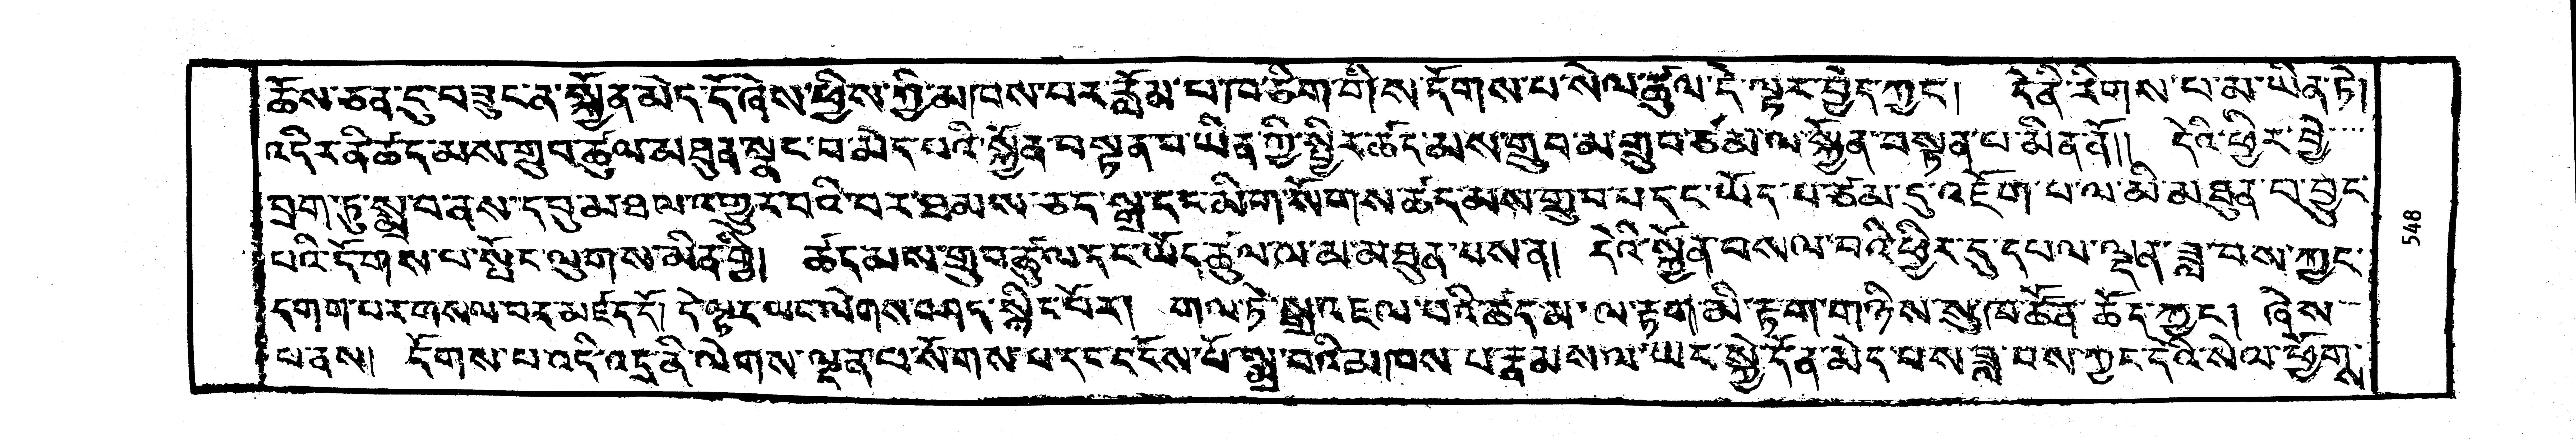ཆོས་ཅན་དུ་བཟུང་ན་སྐྱོན་མེད་དོ་ཞེས་ཕྱིས་ཀྱི་མཁས་པར་རློམ་པ་ཁ་ཅིག་གིས་དོགས་པ་སེལ་ཚུལ་དེ་ལྟར་བྱེད་ཀྱང་། དེ་ནི་རིགས་པ་མ་ཡིན་ཏེ།
འདིར་ནི་ཚད་མས་གྲུབ་ཚུལ་མཐུན་སྣང་བ་མེད་པའི་སྐྱོན་བསྟན་པ་ཡིན་གྱི་སྤྱིར་ཚད་མས་གྲུབ་མ་གྲུབ་ཙམ་ལ་སྐྱོན་བསྟན་པ་མིན་ནོ། །དེའི་ཕྱིར་བྱེ་
བྲག་ཏུ་སྨྲ་བ་ནས་དབུ་མ་ཐལ་འགྱུར་བའི་བར་ཐམས་ཅད་སྒྲ་དང་མིག་སོགས་ཚད་མས་སྒྲུབ་པ་དང་ཡོད་པ་ཙམ་དུ་འཇོག་པ་ལ་མི་མཐུན་པ་བྱུང་
པའི་དོགས་པ་སྤོང་ལུགས་མིན་གྱི། ཚད་མས་གྲུབ་ཚུལ་དང་ཡོད་ཚུལ་ལ་མ་མཐུན་པས་ན། དེའི་སྐྱོན་བསལ་བའི་ཕྱིར་དུ་དཔལ་ལྡན་ཟླ་བས་ཀྱང་
དགག་པར་གསལ་བར་མཛད་དོ། དེ་ལྟར་ཡང་ལེགས་བཤད་སྙིང་པོར། གལ་ཏེ་སྒྲ་འཇལ་བའི་ཚད་མ་ལ་རྟག་མི་རྟག་གཉིས་སུ་ཁ་ཚོན་ཆོད་ཀྱང་། ཞེས་
པ་ནས། དོགས་པ་འདི་འདྲ་ནི་ལེགས་ལྡན་པ་སོགས་པ་དང་དངོས་པོ་སྨྲ་བའི་མཁས་པ་རྣམས་ལ་ཡང་སྐྱེ་དོན་མེད་པས་ཟླ་བས་ཀྱང་དེའི་སེལ་ཕྱོགས་